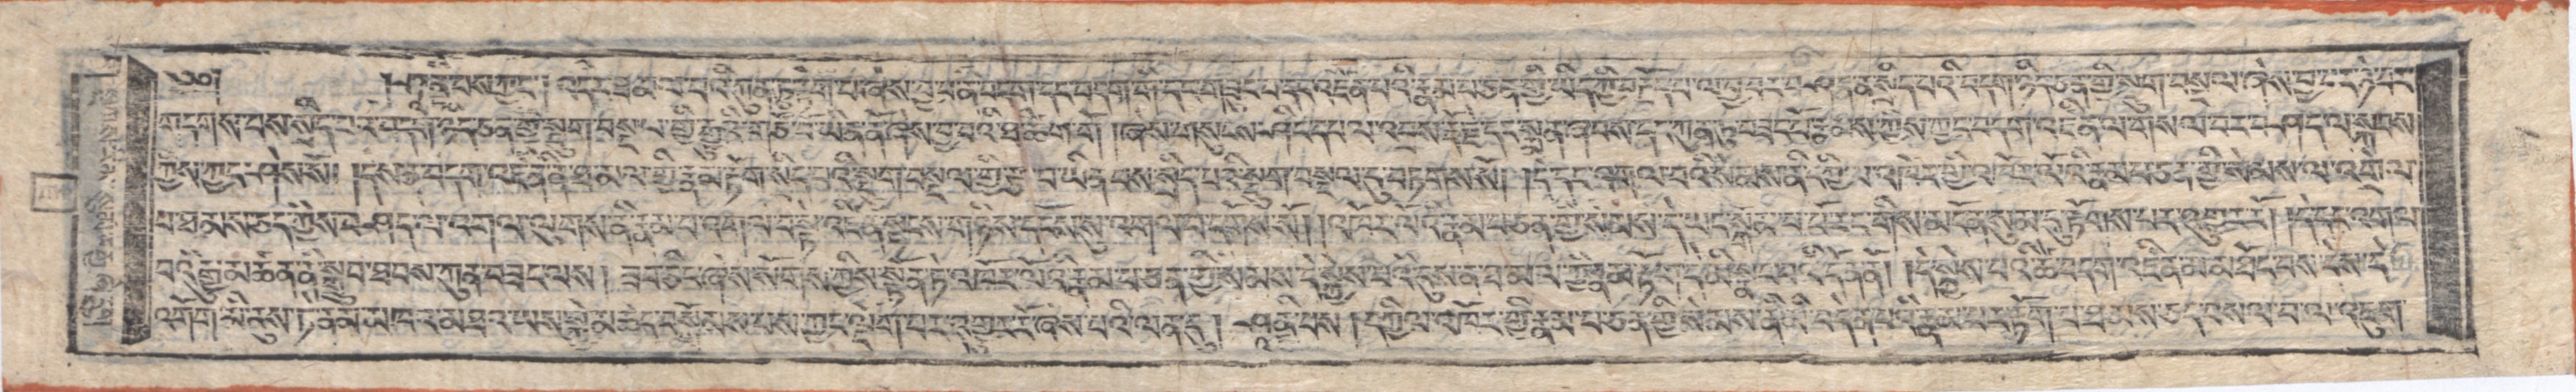༄༅། །ཤཱནྟི་པས་ཀྱང་། འདིར་ཐ་མལ་པའི་ཀུན་ཏུ་རྟོག་པ་ཞེས་བྱ་བ་ནི་བདག་དང་བདག་གི་དང་གཟུང་བ་དང་འཛིན་པའི་རྣམ་པ་ཅན་གྱི་ཡིད་ཀྱི་བརྗོད་པ་ལ་བྱ་བར་བཤད་ན་སྲིད་པའི་བདག་ཉིད་ཅན་གྱི་སྡུག་བསྔལ་ཞེས་བྱ་བར་ཉེ་བར་
གདགས་པས་སྲིད་པའི་བདག་ཉིད་ཅན་གྱི་སྡུག་བསྔལ་གྱི་རྒྱུའི་གཙོ་བོ་ཡིན་ནོ་ཞེས་བྱ་བའི་ཐ་ཚིག་གོ །ཞེས་གསུངས་ཤིང་དཔལ་འབྲས་རྡོ་རྗེ་དང་སྨན་ཞབས་དང་ཀུན་ཏུ་བཟང་པོ་རྣམས་ཀྱིས་ཀྱང་བདག་འཛིན་ལ་གསལ་བར་བཤད་ལ་སྐབས་
ཀྱིས་ཀྱང་ཤེས་སོ། །དེས་ན་བདག་འཛིན་ནི་ཐ་མལ་གྱི་རྣམ་རྟོག་སྲིད་པའི་སྡུག་བསྔལ་གྱི་རྩ་བ་ཡིན་པས་སྲིད་པའི་སྡུག་བསྔལ་དུ་བཏགས་སོ། །དེ་དང་འགལ་བའི་སེམས་ནི་དཀྱིལ་འཁོར་ལོའི་རྣམ་པ་ཅན་གྱི་སེམས་ལ་འགྲེལ་
པ་ཐམས་ཅད་ཀྱིས་བཤད་ལ་འགལ་ལུགས་ནི་རྣམ་པ་འགལ་བ་སྟེ་འཛིན་སྟངས་གཉིས་དངོས་སུ་འགལ་བ་དགོས་སོ། །འཁོར་ལོའི་རྣམ་པ་ཅན་གྱི་སེམས་དེ་ཡང་སྒོམ་པ་པོ་རང་གིས་མངོན་སུམ་དུ་རྟོགས་པར་འགྱུར་རོ། །དེ་དང་འགལ་
བའི་རྒྱུ་མཚན་ནི་སྒྲུབ་ཐབས་ཀུན་བཟང་ལས། ཟབ་ཅིང་ཞེས་སོགས་ཀྱིས་སྟོན་ཏེ་འཁོར་ལོའི་རྣམ་པ་ཅན་གྱི་སེམས་དེ་སྐྱེས་པའི་དུས་ན་ཐ་མལ་གྱི་རྣམ་རྟོག་དེ་མི་སྣང་བའི་དོན་ནོ། །དེ་སྐྱེས་པའི་ཚེ་བདག་འཛིན་མ་མཐོང་བས་དེས་དེ་
འགོག་མི་ནུས་ཏེ་ནམ་མཁའ་མཐའ་ཡས་སྐྱེ་མཆེད་བསྒོམས་པས་ཀྱང་ལྡོག་པར་འགྱུར་རོ་ཞེས་པའི་ལན་དུ། ཤཱནྟི་པས། དཀྱིལ་འཁོར་གྱི་རྣམ་པ་ཅན་གྱི་སེམས་ནི་མི་བདེན་པའི་རྣམ་པར་རྟོག་པ་ཐམས་ཅད་བསལ་བ་ལ་འཇུག་